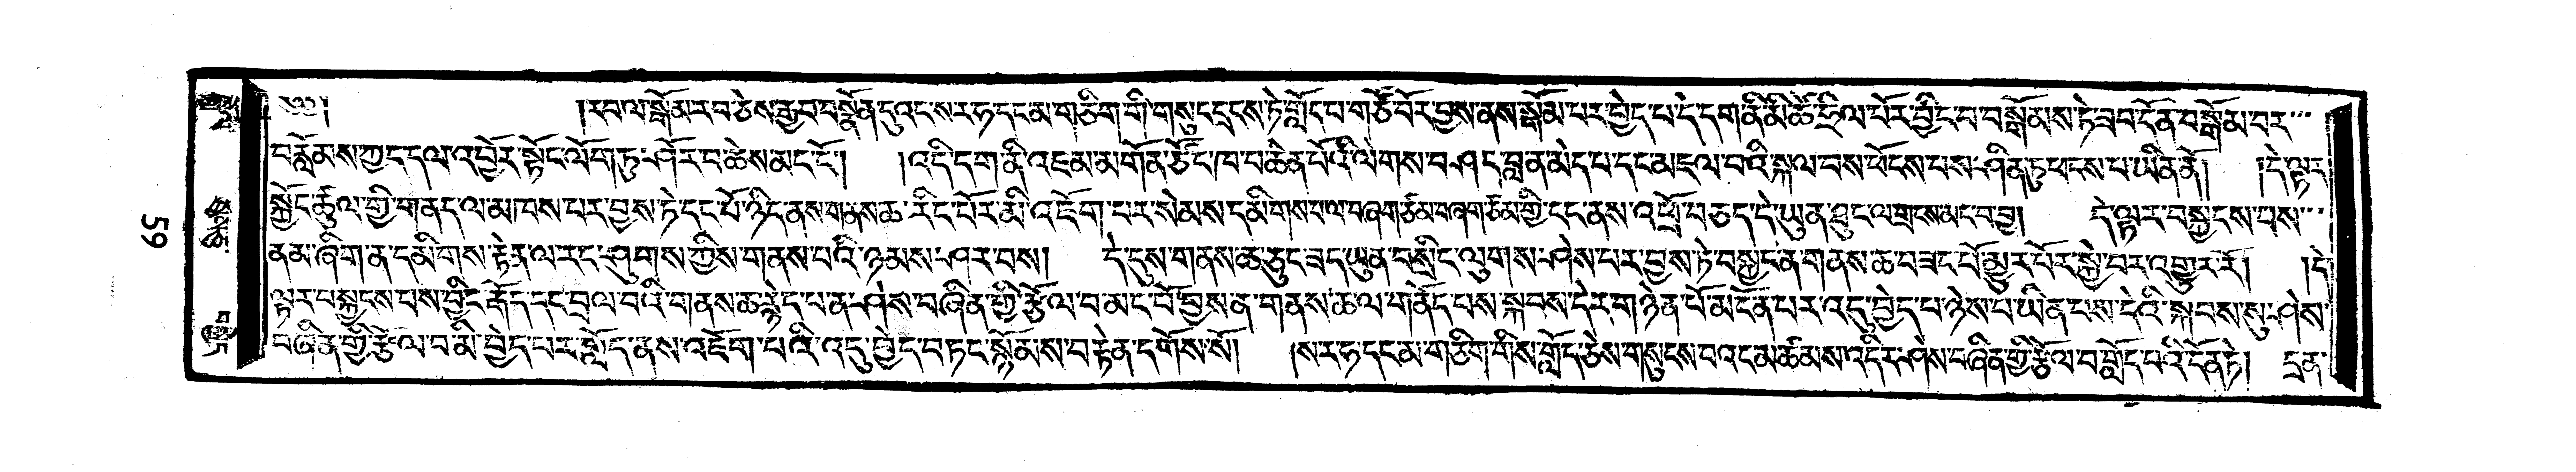༄༅། །རབ་ལ་སྒོམ་རབ་ཅེས་རྒྱབ་སྣོན་དུའང་ས་ར་ཧ་དང་མ་གཅིག་གི་གསུང་དྲངས་ཏེ་གློད་པ་གཙོ་བོར་བྱས་ནས་སྒོམ་པར་བྱེད་པ་དེ་དག་ནི་མི་ཚེ་ཧྲིལ་པོར་བྱིང་བ་བསྒོམས་ཏེ་ཟབ་དོན་བསྒོམ་པར་
བརློམས་ཀྱང་དལ་འབྱོར་སྟོང་ལོག་ཏུ་ཤོར་བ་ཆེས་མང་ངོ། །འདི་དག་ནི་འཇམ་མགོན་ཙོང་ཁ་པ་ཆེན་པོའི་ལེགས་བཤད་བླ་ན་མེད་པ་དང་མཇལ་བའི་སྐལ་བས་ཕོངས་པས་ཤིན་ཏུ་ཕངས་པ་ཡིན་ནོ། །དེ་ལྟར་
སྐྱོང་ཚུལ་གྱི་གནད་ལ་མཁས་པར་བྱས་ཏེ་ངང་པོ་ཉིད་ནས་གནས་ཆ་རིང་པོར་མི་འཇོག་པར་སེམས་དམིགས་པ་ལ་བཞག་ཙམ་བཞག་ཙམ་གྱི་ངང་ནས་འཕྲོ་བཅད་དེ་ཡུན་ཐུང་ལ་གྲངས་མང་བ་བྱ། དེ་ལྟར་བསྐྱངས་པས་
ནམ་ཞིག་ན་དམིགས་རྟེན་ལ་རང་ཤུགས་ཀྱིས་གནས་པའི་ཉམས་ཤེར་བས། དེ་དུས་གནས་ཆ་ཅུང་ཟད་ཡུན་བསྲིང་ལུགས་ཤེས་པར་བྱས་ཏེ་བསྐྱང་ན་གནས་ཆ་བཟང་པོ་མྱུར་པོར་སྐྱེ་བར་འགྱུར་རོ། །དེ་
ལྟར་བསྐྱངས་པས་བྱིང་རྒོད་དང་བྲལ་བའི་གནས་ཆ་རྙེད་པ་ན་ཤེས་བཞིན་གྱི་རྩོལ་བ་མང་པོ་བྱས་ན་གནས་ཆ་ལ་གནོད་པས་སྐབས་དེར་གཉེན་པོ་མངོན་པར་འདུ་བྱེད་པ་ཉེས་པ་ཡིན་པས་དེའི་སྐབས་སུ་ཤེས་
བཞིན་གྱི་རྩོལ་བ་མི་བྱེད་པར་གློད་ནས་འཇོག་པའི་འདུ་བྱེད་བཏང་སྙོམས་བསྟེན་དགོས་སོ༑ །ས་ར་ཧ་དང་མ་གཅིག་གིས་གློད་ཅེས་གསུངས་བའང་མཚམས་འདིར་ཤེས་བཞིན་གྱི་རྩོལ་བ་གློད་པའི་དོན་ཏེ། དྲན་